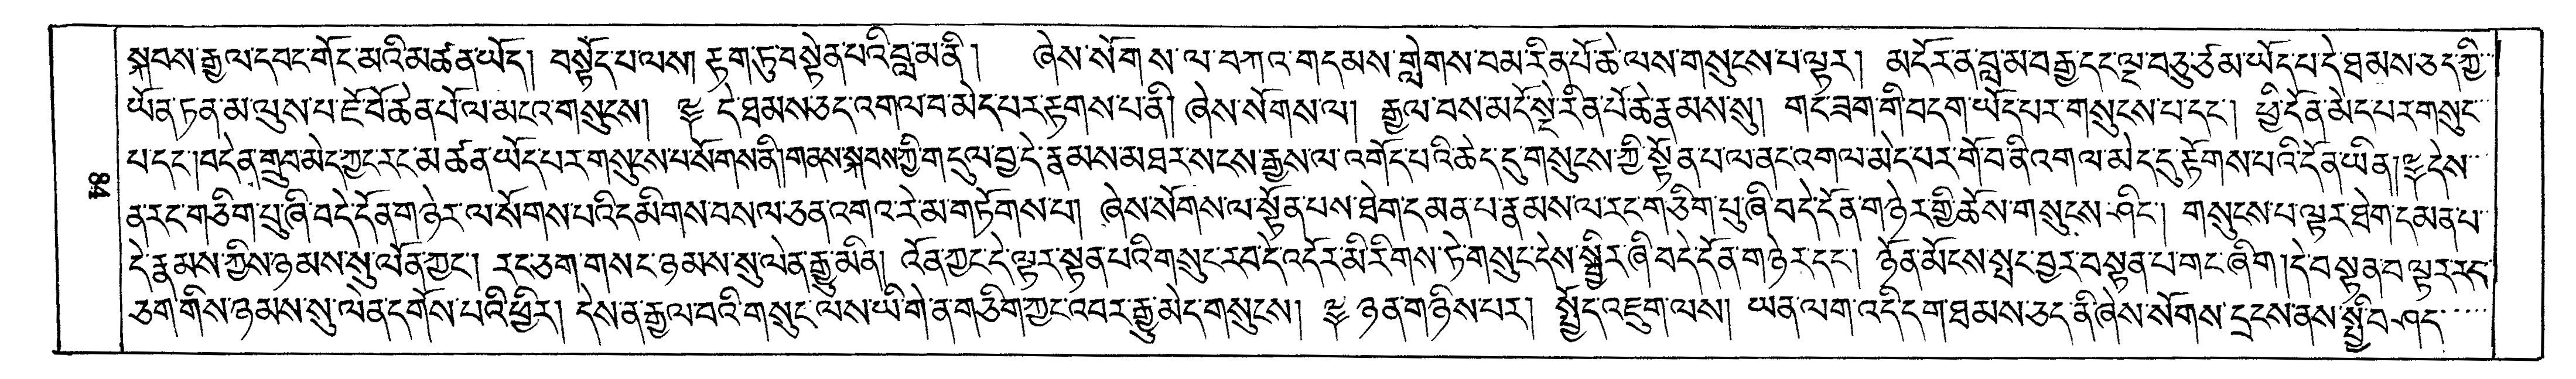སྐབས་རྒྱལ་དབང་གོང་མའི་མཚན་ཡོད། བསྟོད་པ་ལས། རྟག་ཏུ་བསྟེན་པའི་བླ་མ་ནི། ཞེས་སོགས་ལ་བཀའ་གདམས་གླེགས་པམ་རིན་པོ་ཆེ་ལས་གསུངས་བ་ལྟར། མདོར་ན་བླ་མ་བརྒྱ་དང་ལྔ་བཅུ་ཙམ་ཡོད་པ་དེ་ཐམས་ཅད་ཀྱི་
ཡོན་ཏན་མ་ལུས་པ་ཇོ་བོ་ཆེན་པོ་ལ་མངའ་གསུངས། ༈ དེ་ཐམས་ཅད་འགལ་བ་མེད་པར་རྟོགས་པ་ནི། ཞེས་སོགས་ལ། རྒྱལ་བས་མདོ་སྡེ་རིན་པོ་ཆེ་རྣམས་སུ། གང་ཟག་གི་བདག་ཡོད་པར་གསུངས་པ་དང་། ཕྱི་དོན་མེད་པར་གསུངས་
པ་དང་། བདེན་གྲུབ་མེད་ཀྱང་རང་མཚན་ཡོད་པར་གསུངས་བ་སོགས་ནི། གནས་སྐབས་ཀྱི་གདུལ་བྱ་དེ་རྣམས་མཐར་སངས་རྒྱས་ལ་འགོད་པའི་ཆེད་དུ་གསུངས་ཀྱི་སྟོན་པ་ལ་ནང་འགལ་མེད་པར་གོ་བ་ནི་འགལ་མེད་དུ་རྟོགས་པའི་དོན་ཡིན། ༈ དེས་
ན་རང་གཅིག་པུ་ཞི་བདེ་དོན་གཉེར་ལ་སོགས་པའི་དམིགས་བསལ་ཅན་འགའ་རེ་མ་གཏོགས་པ། ཞེས་སོགས་ལ་སྟོན་པས་ཐེག་དམན་པ་རྣམས་ལ་རང་གཅིག་པུ་ཞི་བདེ་དོན་གཉེར་གྱི་ཆོས་གསུངས་ཤིང་། གསུངས་པ་ལྟར་ཐེག་དམན་པ་
དེ་རྣམས་ཀྱིས་ཉམས་སུ་ལེན་ཀྱང་། རང་ཅག་གིས་དེ་ཉམས་སུ་ལེན་རྒྱུ་མིན། འོན་ཀྱང་དེ་ལྟར་སྟོན་པའི་གསུང་རབ་དེ་འདོར་མི་རིགས་ཏེ་གསུང་དེས་སྤྱིར་ཞི་བདེ་དོན་གཉེར་དང་། ཉོན་མོངས་སྤང་བྱར་བསྟན་པ་གང་ཞིག །དེ་བསྟན་བ་ལྟར་རང་
ཅག་གིས་ཉམས་སུ་ལེན་དགོས་པའི་ཕྱིར། དེས་ན་རྒྱལ་བའི་གསུང་ལས་ཡི་གེ་ན་གཅིག་ཀྱང་འབོར་རྒྱུ་མེད་གསུངས། ༈ ཉིན་གཉིས་པར། སྤྱོད་འཇུག་ལས། ཡན་ལག་འདི་དག་ཐམས་ཅད་ནི་ཞེས་སོགས་དྲངས་ནས་སྤྱི་བཤད་